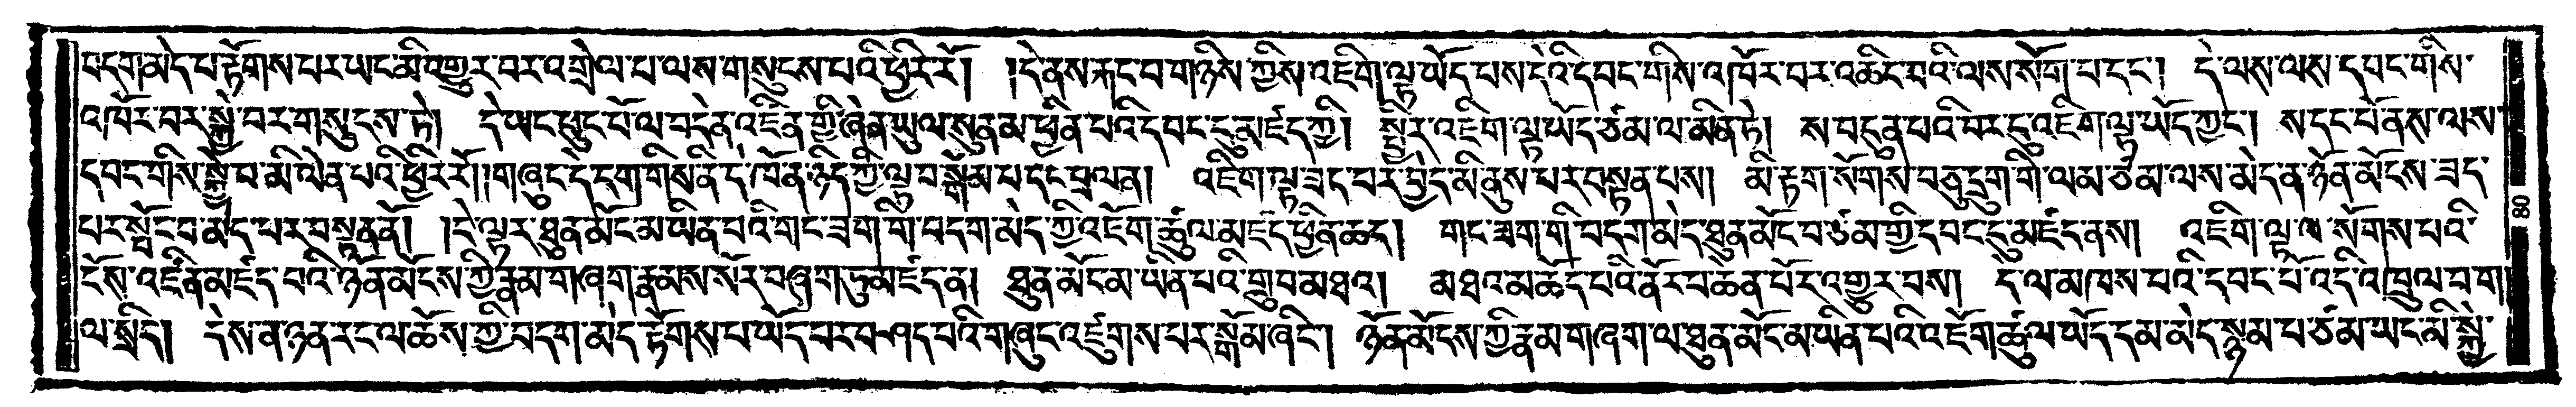བདག་མེད་པ་རྟོགས་པར་ཡང་མི་འགྱུར་བར་འགྲེལ་པ་ལས་གསུངས་པའི་ཕྱིར་རོ། །དེ་ནས་རྐང་པ་གཉིས་ཀྱིས་འཇིག་ལྟ་ཡོད་པས་དེའི་དབང་གིས་འཁོར་བར་འཆིང་བའི་ལས་སོག་པ་དང་། དེ་ལས་ལས་དབང་གིས་
འཁོར་བར་སྐྱེ་བར་གསུངས་ཏེ། དེ་ཡང་ཕུང་པོ་ལ་བདེན་འཛིན་གྱི་ཞེན་ཡུལ་སུན་མ་ཕྱིན་པའི་དབང་དུ་མཛད་ཀྱི། སྤྱིར་འཇིག་ལྟ་ཡོད་ཙམ་ལ་མིན་ཏེ། ས་བདུན་པའི་བར་དུ་འཇིག་ལྟ་ཡོད་ཀྱང་། ས་དང་པོ་ནས་ལས་
དབང་གིས་སྐྱེ་བ་མི་ལེན་པའི་ཕྱིར་རོ། །གཞུང་དེ་དག་གིས་ནི་དེ་ཁོ་ན་ཉིད་ཀྱི་ལྟ་བ་སྒོམ་པ་དང་བྲལ་ན། འཇིག་ལྟ་ཟད་པར་བྱེད་མི་ནུས་པར་བསྟན་པས། མི་རྟག་སོགས་བཅུ་དྲུག་གི་ལམ་ཙམ་ལས་མེད་ན་ཉོན་མོངས་ཟད་
པར་སྤོང་བ་མེད་པར་བསྟན་ནོ། །དེ་ལྟར་ཐུན་མོང་མ་ཡིན་པའི་གང་ཟག་གི་བདག་མེད་ཀྱི་འཇོག་ཚུལ་མཛད་ཕྱིན་ཆད། གང་ཟག་གི་བདག་མེད་ཐུན་མོང་བ་ཙམ་གྱི་དབང་དུ་མཛད་ནས། འཇིག་ལྟ་ལ་སོགས་པའི་
ངོས་འཛིན་མཛད་པའི་ཉོན་མོངས་ཀྱི་རྣམ་གཞག་རྣམས་སོར་བཞག་ཏུ་མཛད་ན། ཐུན་མོང་མ་ཡིན་པའི་གྲུབ་མཐའ། མཐའ་མ་ཆོད་པའི་ནོར་པ་ཆེན་པོར་འགྱུར་བས། དེ་ལ་མཁས་པའི་དབང་པོ་འདི་འཁྲུལ་བ་ག་
ལ་སྲིད། དེས་ན་ཉན་རང་ལ་ཆོས་ཀྱི་བདག་མེད་རྟོགས་པ་ཡོད་པར་བཤད་པའི་གཞུང་འཛུགས་པར་སྒོམ་ཞིང་། ཉོན་མོངས་ཀྱི་རྣམ་གཞག་ལ་ཐུན་མོང་མ་ཡིན་པའི་འཇོག་ཚུལ་ཡོད་དམ་མེད་སྙམ་པ་ཙམ་ཡང་མི་སྐྱེ་